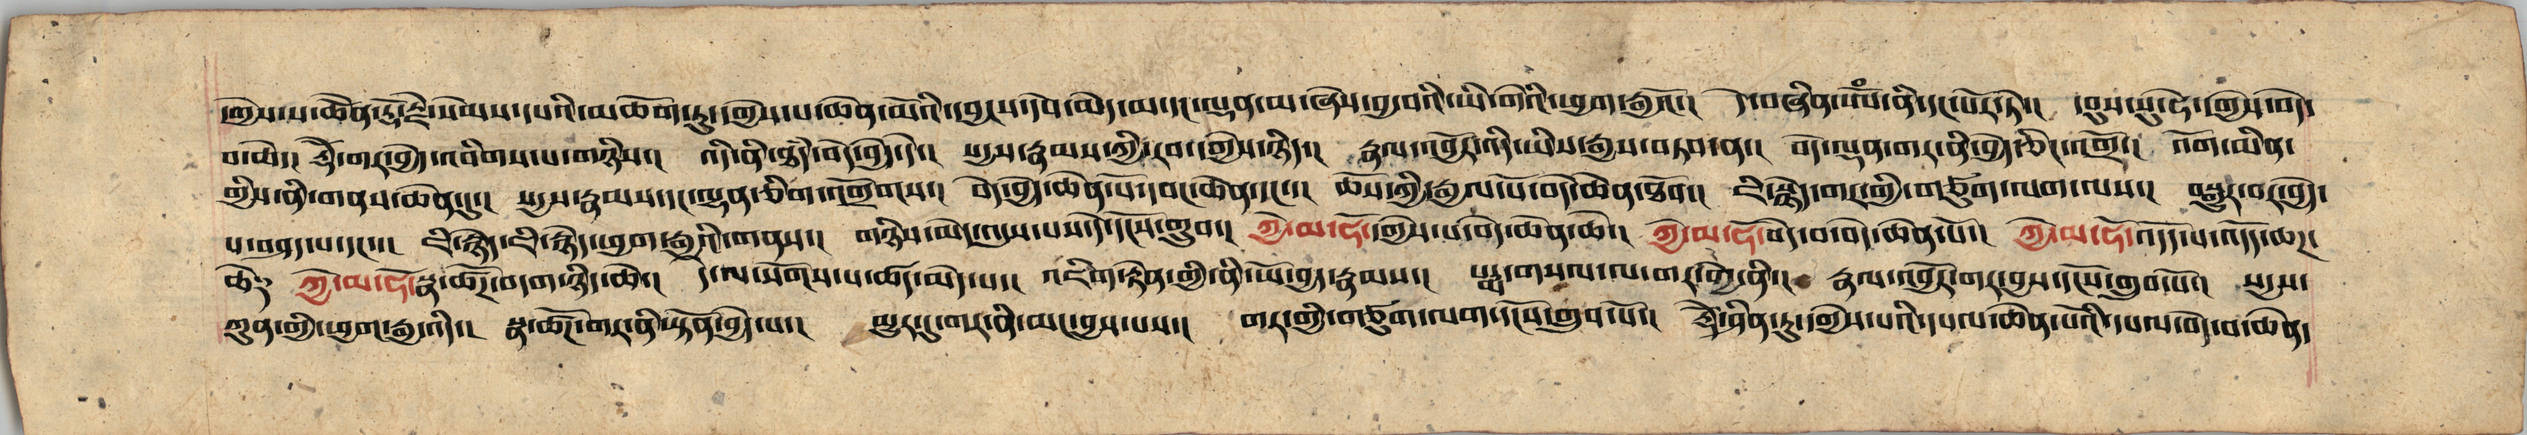དགྱེས་པ་ཆེོན་རྡོ་རྗེ་སེམས་དཔའི་མཆོག་ཏུ་དགྱེས་པ་ཆེན་མོའི་དབྱངས་དེས་མེད་མ་དང་ལྡན་མ་ཞེས་བྱ་བའི་ཡི་གེའི་ཕྱག་རྒྱའོ་། དེ་བཞིན་ཨོཾ་ནི་དང་པོར་ཏེ་། དབུས་སུ་ཧེ་དགྱེས་བདེ་
པ་ཆེ་། རྡོེ་གར་བྱེད་འབིགས་པ་གཉིས་། འདི་ནི་ཐཾད་བདེ་བྱེད་དེ་། སདྱས་རྣམས་ཀྱི་རབ་དགྱེས་ཉིད་། རྣལ་འབྱོར་འདི་ཡིས་རྒྱས་བཏབ་ན་། བདེ་ལྡན་གར་ནི་བྱེད་ཅིང་འགྲོ་། འོག་མིན་
གྱིས་ནི་གནས་ཆེན་དུ་། སདྱས་རྣམས་དང་ལྷན་ཅིག་འགྲོགས་། བདེ་བྱེད་ཆེན་པོ་དབང་ཆེན་དང་་། ཆོས་ཀྱི་རྒྱལ་པོ་བདེ་ཆེན་ཐོབ་། ཇི་སྙེད་གར་གྱི་གཙུག་ལག་ལས་། བསྒྱུར་བར་བྱེད་
པ་བཤད་པ་དང་་། ཇི་སྙེད་ཇི་སྙེད་ཕྱག་རྒྱའི་གནས་། གཉིས་མེད་འདུས་པས་དེ་དངེས་གྲུབ་། ཀྱེ་མ་ཧོ་དགྱེས་པ་བདེ་ཆེན་ཆེ་། ཀྱེ་མ་ཧོ་བདེ་བ་བདེ་ཆེན་པོ་། ཀྱེ་མ་ཧོ་འདོད་པ་འདོད་ཆཌ་
ཆེ༑ ཀྱེ་མ་ཧོ་སྣ་ཚོཌ་བདག་ཉིད་ཆེ་། དེ་ལ་སོགས་པ་ཚད་མེད་པ་། འཇིག་རྟེན་གྱི་ནི་ཡོ་བྱད་རྣམས་། པདྨ་གསལ་ལ་གར་གྱི་ནི་། རྣྲལ་འབྱོར་གར་བྱས་དངོས་གྲུབ་པོ་། སདྱས་
ཀུན་གྱི་ཕྱག་རྒྱ་འདི་། སྣ་ཚོཌ་གར་ནི་སྟོན་བྱེད་པ་། མྱུར་དུ་གར་ནི་མང་བྱས་པས་། གར་གྱི་གཙུག་ལག་དངོས་གྲུབ་པོ་། རྡོེ་ཤིན་ཏུ་དགྱེས་པའི་དཔལ་ཆེན་པོའི་དཔལ་བདེ་བ་ཆེན་